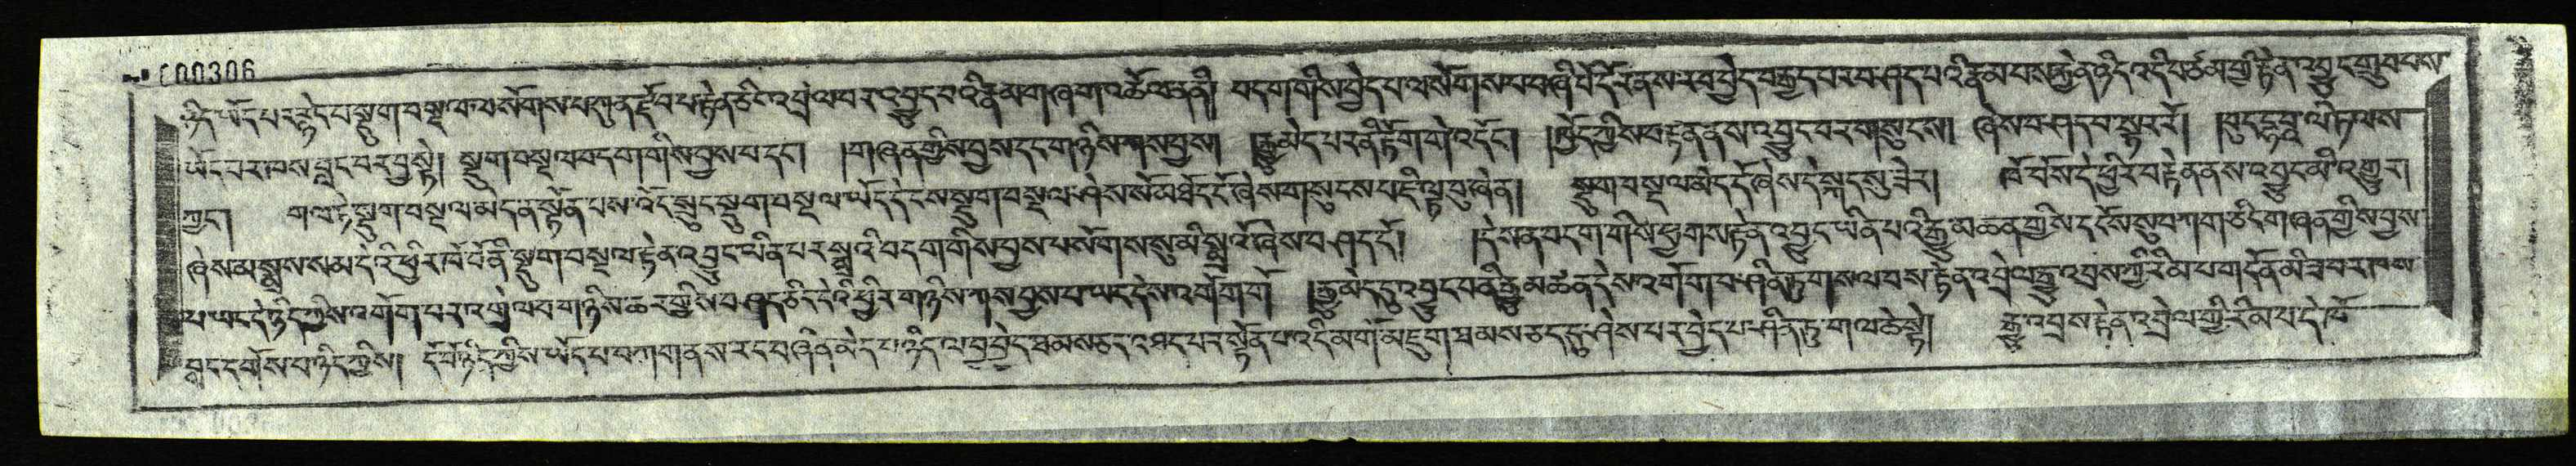ཉིད་ཡོད་པར་རྙེད་པ་སྡུག་བསྔལ་ལ་སོགས་པ་ཀུན་རྫོབ་པ་རྟེན་ཅིང་འབྲེལ་བར་འབྱུང་བའི་རྣམ་གཞག་འཆོལ་ན་ནི། བདག་གིས་བྱེད་པ་ལ་སོགས་པ་བཞི་པོ་དོར་ནས་རབ་བྱེད་བརྒྱད་པར་བཤད་པའི་རྣམ་པས་རྐྱེན་ཉིད་འདི་པ་ཙམ་གྱི་རྟེན་འབྱུང་གྲུབ་པས་
ཡོད་པར་ཁས་བླང་བར་བྱ་སྟེ། སྡུག་བསྔལ་བདག་གིས་བྱས་པ་དང་། །གཞན་གྱིས་བྱས་དང་གཉིས་ཀས་བྱས། །རྒྱུ་མེད་པར་ནི་རྟོག་གེ་འདོང་། །ཁྱོད་ཀྱིས་བརྟན་ནས་འབྱུང་བར་གསུངས། ཞེས་བཤད་པ་སྟར་ཏོ། །བུད་དྷ་པཱ་ལི་ཏ་ལས་
ཀྱང་། གལ་ཏེ་སྡུག་བསྔལ་མེད་ན་སྟོན་པས་འོང་སྲུང་སྡུག་བསྔལ་ཡོད་དེ་ངས་སྡུག་བསྔལ་ཤེས་སོ་མཐོང་ངོ་ཞེས་གསུངས་པ་ཇི་ལྟ་བུ་ཞེ་ན། སྡུག་བསྔལ་མེད་དོ་ཞེས་དེ་སྐད་སུ་ཟེར། ཁོ་བོས་དེ་ཕྱིར་བརྟེན་ནས་འབྱུང་མི་འགྱུར།
ཞེས་མ་སྨྲས་སམ་དེའི་ཕྱིར་ཁོ་བོ་ནི་སྡུག་བསྔལ་རྟེན་འབྱུང་ཡིན་པར་སྨྲའི་བདག་གིས་བྱས་པ་སོགས་སུ་མི་སྨྲའོ་ཞེས་བཤད་དོ། །དེས་ན་བདག་གིས་ཕྱགས་རྟེན་འབྱུང་ཡིན་པའི་རྒྱུ་མཚན་གྱིས་དངོས་སུ་བཀག་ཅིང་གཞན་གྱིས་བྱས་
པ་ཡང་དེ་ཉིད་ཀྱིས་འགོག་པར་འགྲེལ་བ་གཉིས་ཆར་གྱིས་བཤད་ཅིང་དེའི་ཕྱིར་གཉིས་ཀས་བྱས་པ་ཡང་དེས་འགོག་གོ །རྒྱུ་མེད་དུ་འབྱུང་བ་ནི་རྒྱུ་མཚན་དེས་འགོག་པ་ཤིན་ཏུ་གསལ་བས་རྟེན་འབྲེལ་རྒྱུ་འབྲས་ཀྱི་རིམ་པ་གདོན་མི་ཟ་བར་ཁས་
བླང་དགོས་པ་ཉིད་ཀྱིས། ངོ་བོ་ཉིད་ཀྱིས་ཡོད་པ་བཀག་ནས་རང་བཞིན་མེད་པ་ཉིད་ལ་བྱ་བྱེད་ཐམས་ཅད་འཐད་པར་སྟོན་པ་འདི་མགོ་མཇུག་ཐམས་ཅད་དུ་ཤེས་པར་བྱེད་པ་ཤིན་ཏུ་གལ་ཆེ་སྟེ། རྒྱུ་འབྲས་རྟེན་འབྲེལ་གྱི་རིམ་པ་དེ་ཁོ་